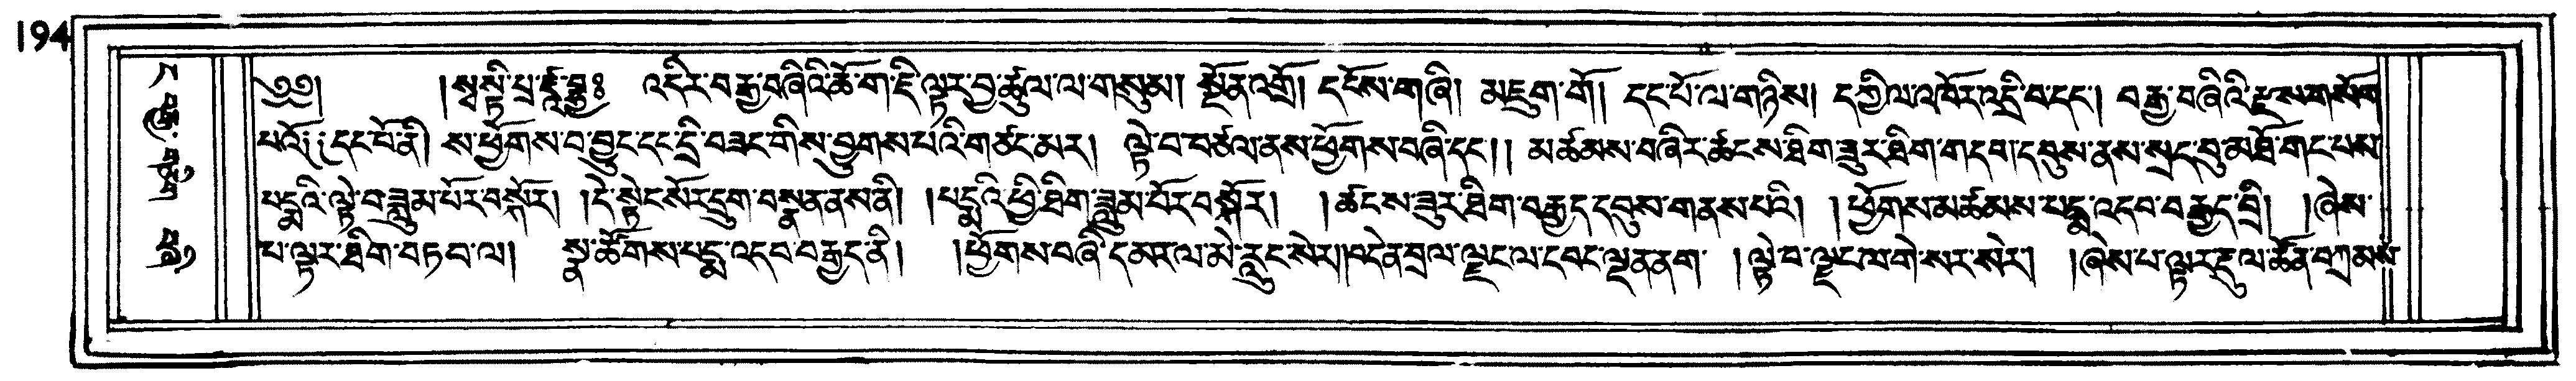༄༅། །སྭ་སྟི་པྲ་ཛཱ་བྷྱཿ འདིར་བརྒྱ་བཞིའི་ཆོ་ག་ཇི་ལྟར་བྱ་ཚུལ་ལ་གསུམ། སྔོན་འགྲོ། དངོས་གཞི། མཇུག་གོ། དང་པོ་ལ་གཉིས། དཀྱིལ་འཁོར་འདྲི་བ་དང་། བརྒྱ་བཞིའི་རྫས་གསོག་
པའོ༑ ༑དང་པོ་ནི། ས་ཕྱོགས་བ་བྱུང་དང་དྲི་བཟང་གིས་བྱུགས་པའི་གཙང་མར། ལྟེ་བ་བཙལ་ནས་ཕྱོགས་བཞི་དང་། །མཚམས་བཞིར་ཚངས་ཐིག་ཟུར་ཐིག་གདག་དབུས་ནས་སྲད་བུ་མཐོ་གང་པས་
པདམའི་ལྟེ་བཟླུམ་པོར་བསྐོར། །དེ་སྟེང་སོར་དྲུག་བསྣན་ནས་ནི། །པདམའི་ཕྱི་ཐིག་ཟླུམ་པོར་བསྐོར། །ཚངས་ཟུར་ཐིག་བརྒྱད་དབུས་གནས་པའི། །ཕྱོགས་མཚམས་པདམ་འདབ་བརྒྱད་བྲི། །ཞེས་
པ་ལྟར་ཐིག་བཏབ་ལ། སྣ་ཚོགས་པདམ་འདབ་བརྒྱད་ནི། །ཕྱོགས་བཞི་དམར་ལ་མེ་རླུང་སེར། །བདེན་བྲལ་ལྗང་ལ་དབང་ལྡན་ནག །ལྟེ་བ་ལྗང་ལ་གེ་སར་སེར། །ཞེས་པ་ལྟར་རྡུལ་ཚོན་བཀྲམས་